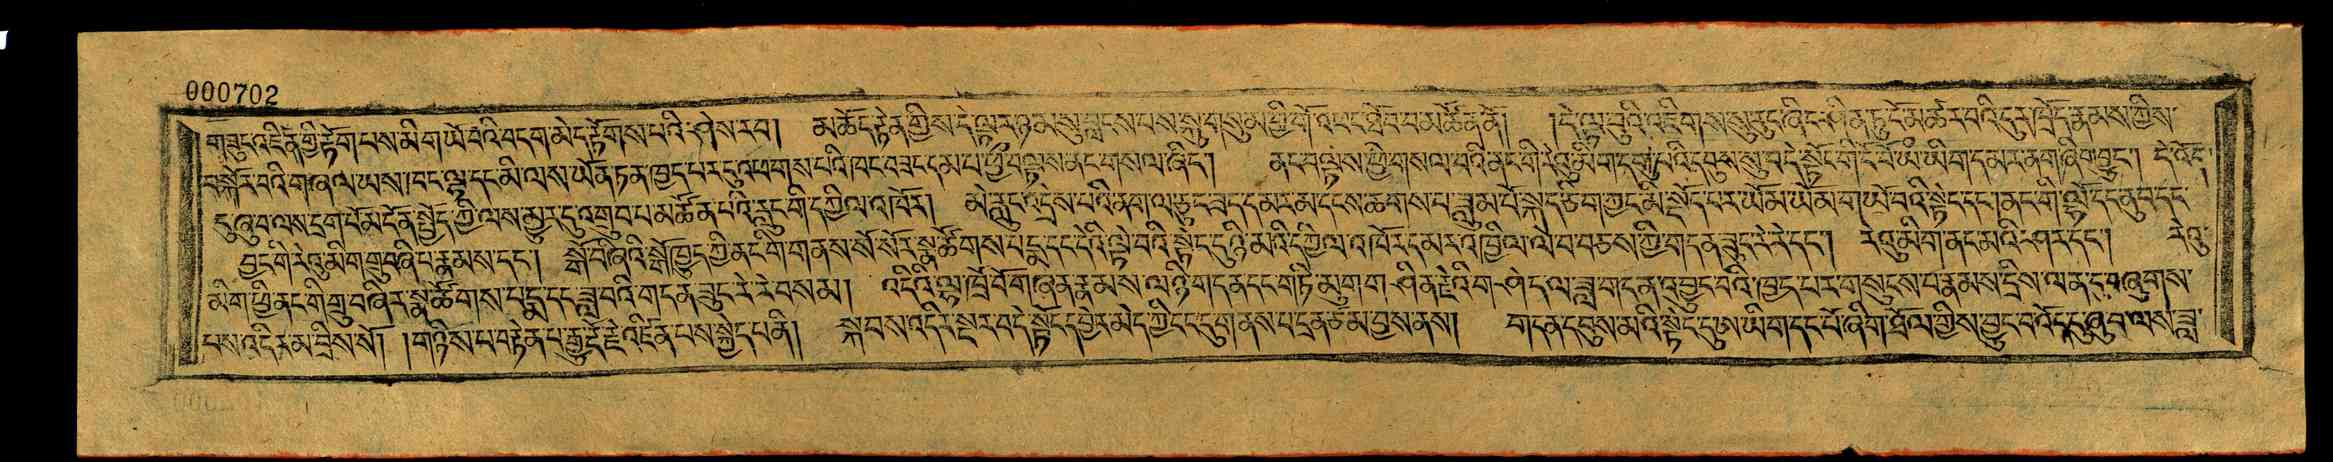གཟུང་འཛིན་གྱི་རྟོག་པས་མི་གཡོ་བའི་བདག་མེད་རྟོགས་པའི་ཤེས་རབ། མཆོད་རྟེན་གྱིས་དེ་ལྟར་ཉམས་སུ་བླངས་པས་སྐུ་གསུམ་གྱི་གོ་འཕང་ཐོབ་པ་མཚོན་ནོ། །དེ་ལྟ་བུའི་འཇིགས་སུ་རུང་ཞིང་ཤིན་ཏུ་ངོ་མཚར་བའི་དུར་ཁྲོད་རྣམས་ཀྱིས་
བསྐོར་བའི་གཞལ་ཡས་ཁང་ལྷ་དང་མི་ལས་ཡོན་ཏན་ཁྱད་པར་དུ་འཕགས་པའི་ཁང་བཟང་དམ་པ་ཕྱི་བལྟས་ནང་གསལ་ཞིང་། ནང་བལྟས་ཕྱི་གསལ་བའི་ནང་གི་རེའུ་མིག་དགུ་པའི་དབུས་སུ་བདེ་སྟོང་གི་ངོ་བོ་ཡཾ་ཡིག་དམར་ནག་ཞིག་བྱུང་། དེ་འོད་
དུ་ཞུ་བ་ལས་དྲག་པོ་མངོན་སྤྱོད་ཀྱི་ལས་མྱུར་དུ་འགྲུབ་པ་མཚོན་པའི་རླུང་གི་དཀྱིལ་འཁོར། མེ་རླུང་འདྲེས་པའི་ནག་ལ་ཅུང་ཟད་དམར་མདངས་ཆགས་པ་ཟླུམ་པོ་སྐད་ཅིག་ཀྱང་མ་སྡོད་པར་ཡོམ་ཡེམ་གཡོ་བའི་སྟེང་དང་། ནང་གི་ལྷོ་དང་ནུབ་དང་
བྱང་གི་རེའུ་མིག་གྲུ་བཞི་པ་རྣམས་དང་། སྒོ་བཞིའི་སྒོ་ཁྱུད་ཀྱི་ནང་གི་གནས་སོ་སོར་སྣ་ཚོགས་པདམ་དང་དེའི་ལྟེ་བའི་སྟེང་དུ་ཉི་མའི་དཀྱིལ་འཁོར་དམར་འཁྱིལ་ལེ་བ་བཅས་ཀྱི་གདན་ཟུང་རེ་རེ་དང་། རེའུ་མིག་ནང་མའི་ཤར་དང་། རེའུ་
མིག་ཕྱི་ནང་གི་གྲྭ་བཞིར་སྣ་ཚོགས་པདམ་དང་ཟླ་བའི་གདན་ཟུང་རེ་རེ་བསམ། འདིའི་ལྷ་ཁྲོ་བོ་གཞན་རྣམས་ལ་ཉི་གདན་དང་གཏི་མུག་གཤིན་རྗེའི་གཤེད་ལ་ཟླ་གདན་འབྱུང་བའི་ཁྱད་པར་གསུངས་པ་རྣམས་དྲིས་ལན་དུ་བཞུགས་
པས་འདིར་མ་བྲིས་སོ། །གཉིས་པ་བརྟེན་པ་རྒྱུ་རྡོ་རྗེ་འཛིན་པ་བསྐྱེད་པ་ནི། སྐབས་འདིར་སྔར་བདེ་སྟོང་དབྱེར་མེད་ཀྱི་ངང་དུ་གནས་པ་དྲན་ཙམ་བྱས་ནས། གདན་དབུས་མའི་སྟེང་དུ་ཨ་ཡིག་དང་པོ་ཞིག་ཐོལ་གྱིས་བྱུང་བ་འོད་དུ་ཞུ་བ་ལས་ཟླ་